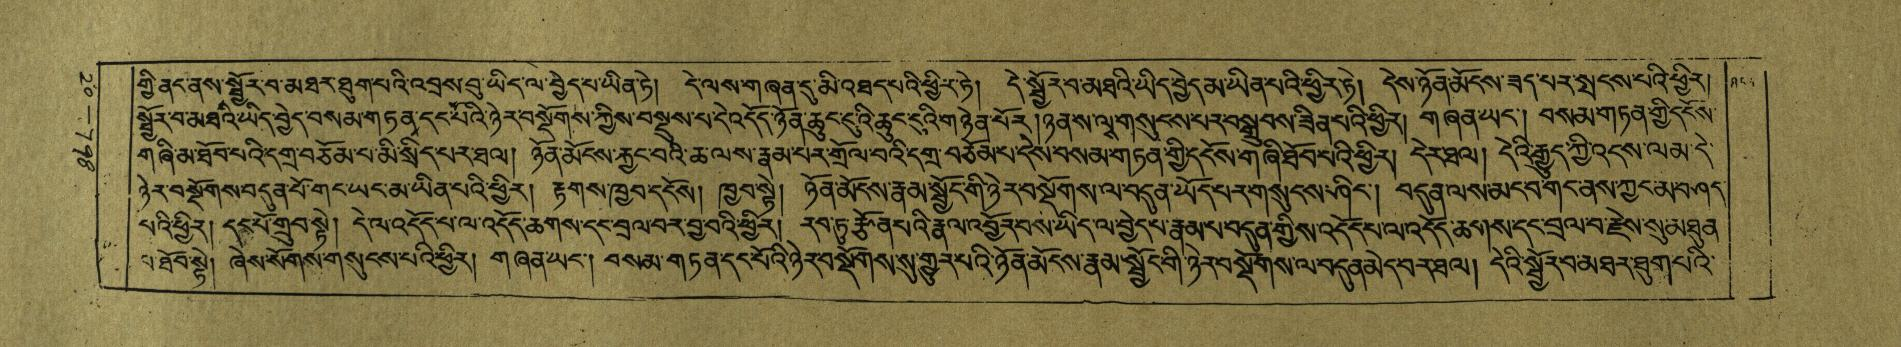གྱི་ནང་ནས་སྦྱོར་བ་མཐར་ཐུག་པའི་འབྲས་བུ་ཡིད་ལ་བྱེད་པ་ཡིན་ཏེ། དེ་ལས་གཞན་དུ་མི་འཐད་པའི་ཕྱིར་ཏེ། དེ་སྦྱོར་བ་མཐའི་ཡིད་བྱེད་མ་ཡིན་པའི་ཕྱིར་ཏེ། དེས་ཉོན་མོངས་ཟད་པར་སྤངས་པའི་ཕྱིར།
སྦྱོར་བ་མཐའི་ཡིད་བྱེད་བསམ་གཏན་དང་པོའི་ཉེར་བསྡོགས་ཀྱིས་བསྡུས་པ་དེ་འདོད་ཉོན་ཆུང་ངུའི་ཆུང་དུའི་གཉེན་པོར་།ཉན་ས་ལས་གསུངས་པར་བསྒྲུབས་ཟིན་པའི་ཕྱིར། གཞན་ཡང་། བསམ་གཏན་གྱི་དངོས་
གཞི་མ་ཐོབ་པའི་དགྲ་བཅོམ་པ་མི་སྲིད་པར་ཐལ། ཉོན་མོངས་རྐྱང་བའི་ཆ་ལས་རྣམ་པར་གྲོལ་བའི་དགྲ་བཅོམ་པ་དེས་བསམ་གཏན་གྱི་དངོས་གཞི་ཐོབ་པའི་ཕྱིར། དེར་ཐལ། དེའི་རྒྱུད་ཀྱི་འདས་ལམ་དེ་
ཉེར་བསྡོགས་བདུན་པོ་གང་ཡང་མ་ཡིན་པའི་ཕྱིར། རྟགས་ཁྱབ་དངོས། ཁྱབ་སྟེ། ཉོན་མོངས་རྣམ་སྦྱོང་གི་ཉེར་བསྡོགས་ལ་བདུན་ཡོད་པར་གསུངས་ཤིང་། བདུན་ལས་མང་བ་གང་ནས་ཀྱང་མ་བཤད་
པའི་ཕྱིར། དང་པོ་གྲུབ་སྟེ། དེ་ལ་འདོད་པ་ལ་འདོད་ཆགས་དང་བྲལ་བར་བྱ་བའི་ཕྱིར། རབ་ཏུ་རྩོན་པའི་རྣལ་འབྱོར་བས་ཡིད་ལ་བྱེད་པ་རྣམ་པ་བདུན་གྱིས་འདོད་པ་ལ་འདོད་ཆགས་དང་བྲལ་བ་རྗེས་སུ་མཐུན་
པ་ཐོབ་སྟེ། ཞེས་སོགས་གསུངས་པའི་ཕྱིར། གཞན་ཡང་། བསམ་གཏན་དང་པོའི་ཉེར་བསྡོགས་སུ་གྱུར་པའི་ཉོན་མོངས་རྣམ་སྦྱོང་གི་ཉེར་བསྡོགས་ལ་བདུན་མེད་བར་ཐལ། དེའི་སྦྱོར་བ་མཐར་ཐུག་པའི་